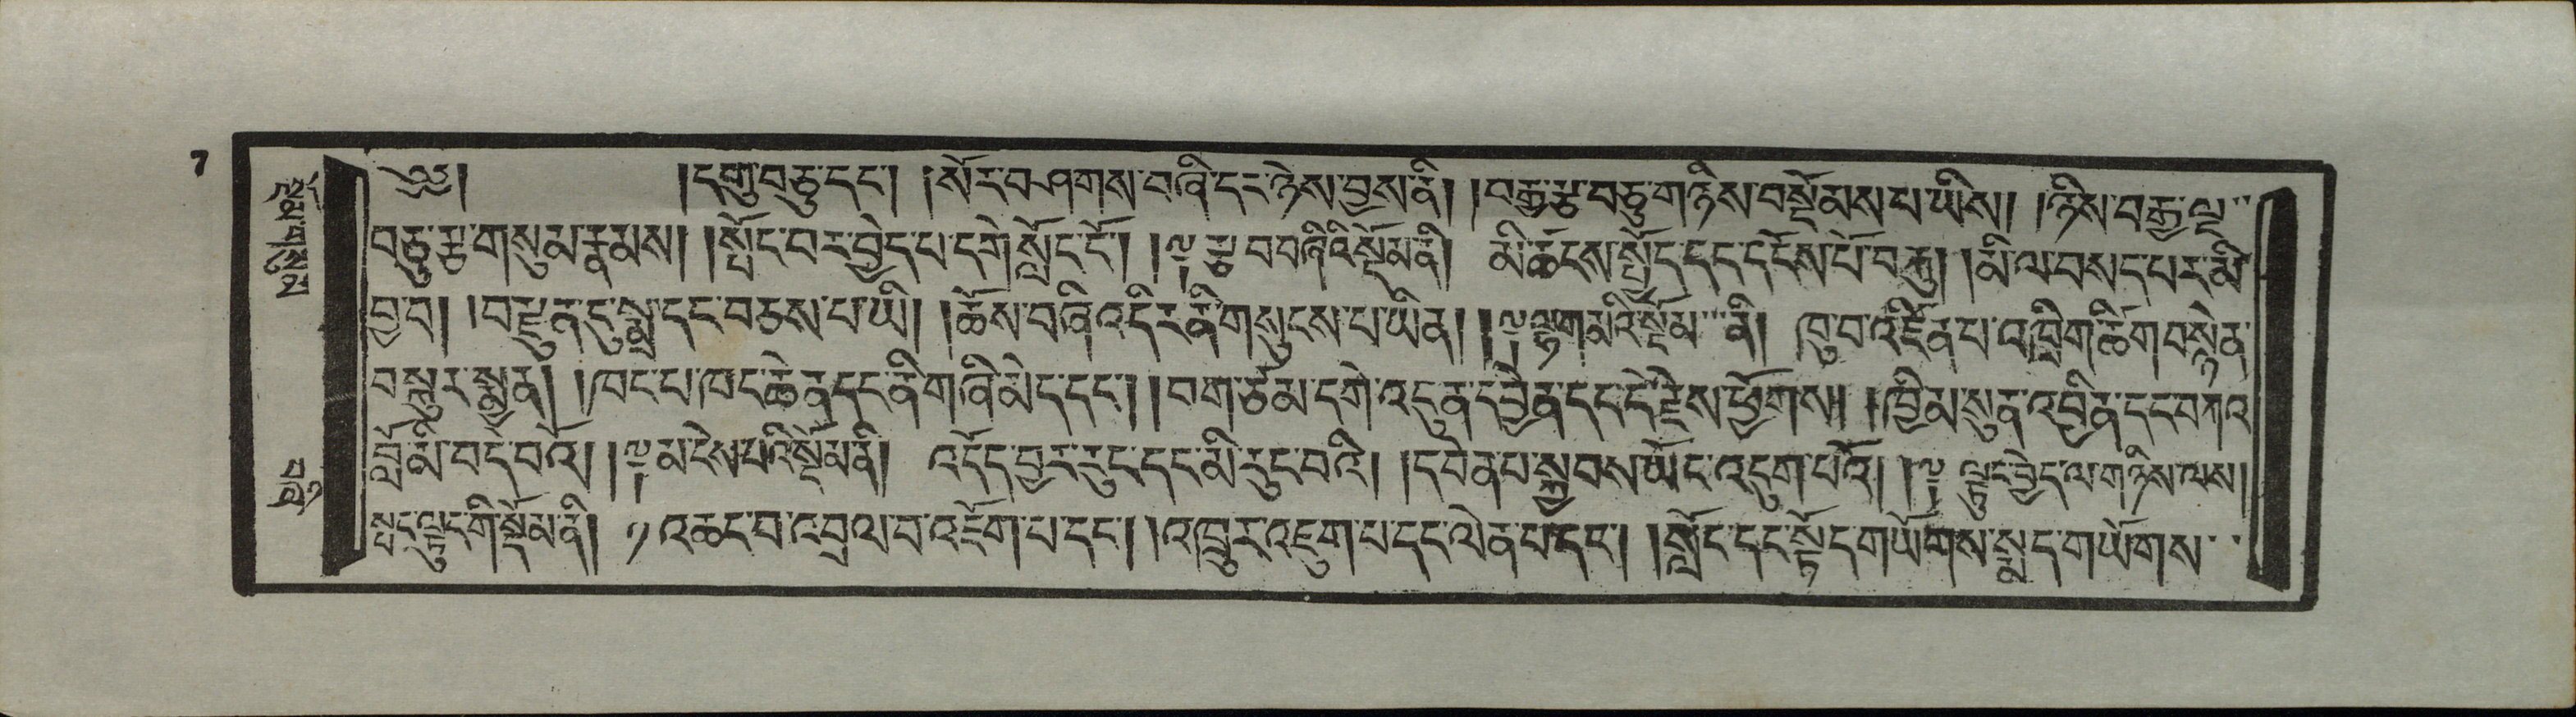༄༅། །དགུ་བཅུ་དང་། །སོར་བཤགས་བཞི་དང་ཉེས་བྱས་ནི། །བརྒྱ་རྩ་བཅུ་གཉིས་བསྡོམས་པ་ཡིས། །ཉིས་བརྒྱ་ལྔ་
བཅུ་རྩ་གསུམ་རྣམས། །སྤོང་བར་བྱེད་པ་དགེ་སློང་ངོ། །༈ རྩ་བ་བཞིའི་སྡོམ་ནི། མི་ཚངས་སྤྱོད་དང་དངོས་པོ་བརྐུ། །མི་ལ་བསད་པར་མི་
བྱ་བ། །བརྫུན་དུ་སྨྲ་དང་བཅས་པ་ཡི། །ཆོས་བཞི་འདིར་ནི་གསུངས་པ་ཡིན། །༈ ལྷག་མའི་སྡོམ་ནི། ཁུ་བ་འཛིན་པ་འཁྲིག་ཚིག་བསྙེན་
བསྐུར་སྨྱན། །ཁང་པ་ཁང་ཆེན་དང་ནི་གཞི་མེད་དང་། །བག་ཙམ་དགེ་འདུན་དབྱེན་དང་དེ་རྗེས་ཕྱོགས། །ཁྱིམ་སུན་འབྱིན་དང་བཀའ་
བློ་མི་བདེ་བའོ། །༈ མ་ངེས་པའི་སྡོམ་ནི། འདོད་བྱར་རུང་དང་མི་རུང་བའི། །དབེན་པ་སྐྱབས་ཡོང་འདུག་པའོ། །༈ ལྟུང་བྱེད་ལ་གཉིས་ལས།
སྤང་ལྟུང་གི་སྡོམ་ནི། ༡་འཆང་བ་འབྲལ་བ་འཇོག་པ་དང་། །འཁྲུར་འཇུག་པ་དང་ལེན་པ་དང་། །སློང་དང་སྟོད་གཡོགས་སྨད་གཡོགས་